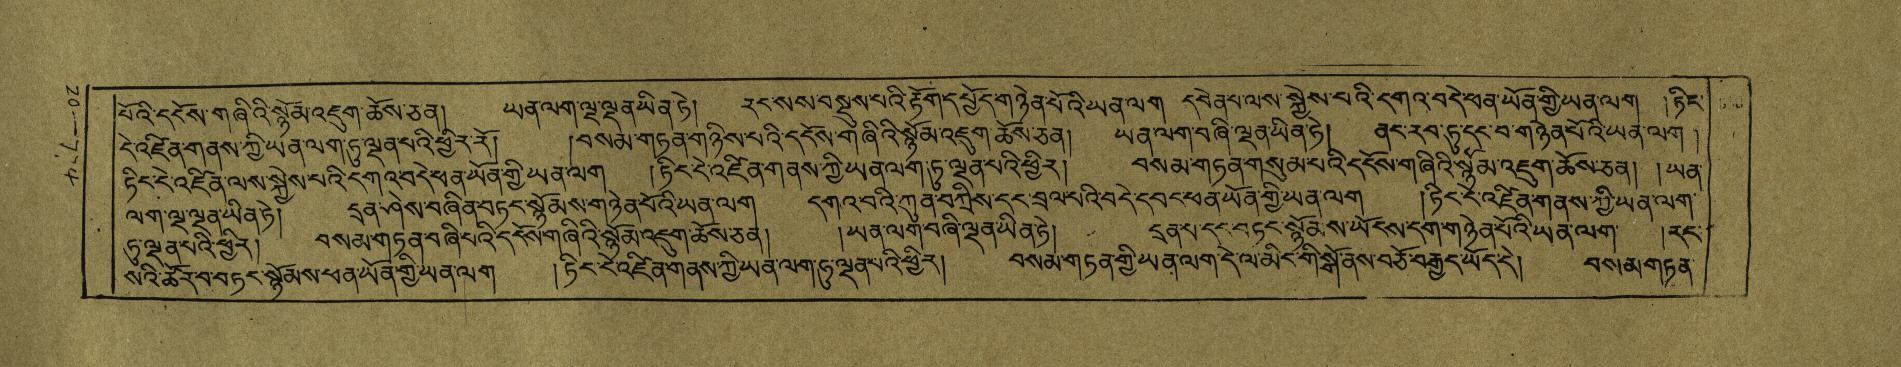པོའི་དངོས་གཞིའི་སྙོམ་འཇུག་ཆོས་ཅན། ཡན་ལག་ལྔ་ལྡན་ཡིན་ཏེ། རང་སས་བསྡུས་པའི་རྟོག་དཔྱོད་གཉེན་པོའི་ཡན་ལག་དབེན་པ་ལས་སྐྱེས་པའི་དགའ་བདེ་ཕན་ཡོན་གྱི་ཡན་ལག །ཏིང་
ངེ་འཛིན་གནས་ཀྱི་ཡན་ལག་ཏུ་ལྡན་པའི་ཕྱིར་རོ། །བསམ་གཏན་གཉིས་པའི་དངོས་གཞིའི་སྙོམ་འཇུག་ཆོས་ཅན། ཡན་ལག་བཞི་ལྡན་ཡིན་ཏེ། ནང་རབ་ཏུ་དང་བ་གཉེན་པོའི་ཡན་ལག།
ཏིང་ངེ་འཛིན་ལས་སྐྱེས་པའི་དགའ་བདེ་ཕན་ཡོན་གྱི་ཡན་ལག །ཏིང་ངེ་འཛིན་གནས་ཀྱི་ཡན་ལག་ཏུ་ལྡན་པའི་ཕྱིར། བསམ་གཏན་གསུམ་པའི་དངོས་གཞིའི་སྙོམ་འཇུག་ཆོས་ཅན། །ཡན་
ལག་ལྔ་ལྡན་ཡིན་ཏེ། དྲན་ཤེས་བཞིན་བཏང་སྙོམས་གཉེན་པོའི་ཡན་ལག་དགའ་བའི་ཀུན་བཀྲིས་དང་བྲལ་པའི་བདེ་དབང་ཕན་ཡོན་གྱི་ཡན་ལག །ཏིང་ངེ་འཛིན་གནས་ཀྱི་ཡན་ལག་
ཏུ་ལྡན་པའི་ཕྱིར། བསམ་གཏན་བཞི་པའི་དངོས་གཞིའི་སྙོམ་འཇུག་ཆོས་ཅན། །ཡན་ལག་བཞི་ལྡན་ཡིན་ཏེ། དྲན་པ་དང་བཏང་སྙོམས་ཡོངས་དག་གཉེན་པོའི་ཡན་ལག །རང་
སའི་ཚོར་བ་བཏང་སྙོམས་ཕན་ཡོན་གྱི་ཡན་ལག །ཏིང་ངེ་འཛིན་གནས་ཀྱི་ཡན་ལག་ཏུ་ལྡན་པའི་ཕྱིར། བསམ་གཏན་གྱི་ཡན་ལག་དེ་ལ་མིང་གི་སྒོ་ནས་བཅོ་བརྒྱད་ཡོད་དེ། བསམ་གཏན་